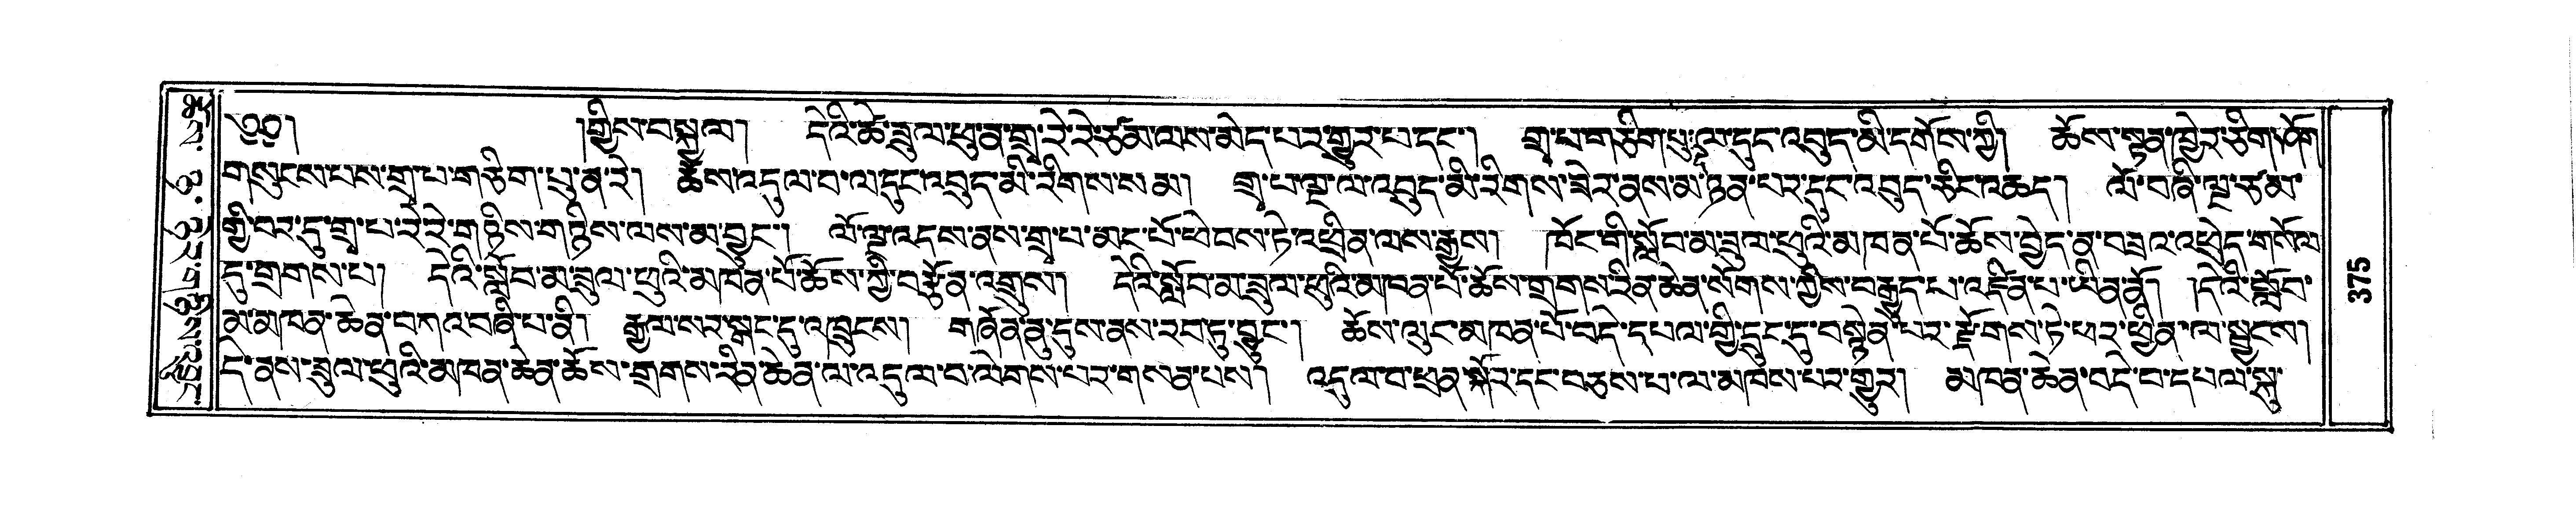༄༅། །གྱིས་བསྐྱལ། དེའི་ཚེ་ཟུལ་ཕུ་ན་གྲྭ་རེ་རེ་ཙམ་ལས་མེད་པར་གྱུར་པ་དང་། གྲྭ་པ་གཅིག་པུ་དེ་ལ་དུང་འབུད་མི་དགོས་ཀྱི། ཆོས་སྟན་ཁྱེར་ཅིག་ཤོག་
གསུངས་པས་གྲྭ་པ་གཅིག་པུ་ན་རེ། ཆོས་འདུལ་བ་ལ་དུང་འབུད་མི་རིགས་སམ། གྲྭ་པ་ལྔ་ལ་འབུད་མི་རིགས་ཟེར་ནས་མ་ཉེན་པར་དུང་འབུད་ཅིང་འཆད། ལོ་བཞི་ལྔ་ཙམ་
གྱི་བར་དུ་གྲྭ་པ་རེ་རེ་གཉིས་ལས་མ་བྱུང་། ལོ་ལྔ་འདས་ནས་གྲྭ་པ་མང་པོ་ཕེབས་ཏེ་འཕྲིན་ལས་རྒྱས། ཁོང་གི་སློབ་མ་ཟུལ་ཕུའི་མཁན་པོ་ཆོས་བྱེད་ན་བཟའ་འཕྲེད་གསོལ་
དུ་གྲགས་པ། དེའི་སློབ་མ་ཟུལ་ཕུའི་མཁན་པོ་ཆོས་ཀྱི་བརྩོན་འགྲུས། དེའི་སློབ་མ་ཟུལ་ཕུའི་མཁན་པོ་ཆོས་གྲགས་རིན་ཆེན་སོགས་ཀྱིས་བརྒྱུད་པ་འཛིན་པ་ཡིན་ནོ། །དེའི་སློབ་
མ་མཁན་ཆེན་བཀའ་བཞི་པ་ནི། རྒྱལ་སར་སྒང་དུ་འཁྲུངས། གཞོན་ནུ་དུས་ནས་རབ་ཏུ་བྱུང་། ཆོས་ལུང་མཁན་པོ་བདེ་དཔལ་གྱི་དྲུང་དུ་བསྙེན་པར་རྫོགས་ཏེ་ཕར་ཕྱིན་ལ་སྦྱངས།
དེ་ནས་ཟུལ་ཕུའི་མཁན་ཆེན་ཆོས་གྲགས་རིན་ཆེན་ལ་འདུལ་བ་ལེགས་པར་གསན་པས། འདུལ་བ་ཕྲན་སྐོར་དང་བཅས་པ་ལ་མཁས་པར་གྱུར། མཁན་ཆེན་བདེ་བ་དཔལ་སྐུ་